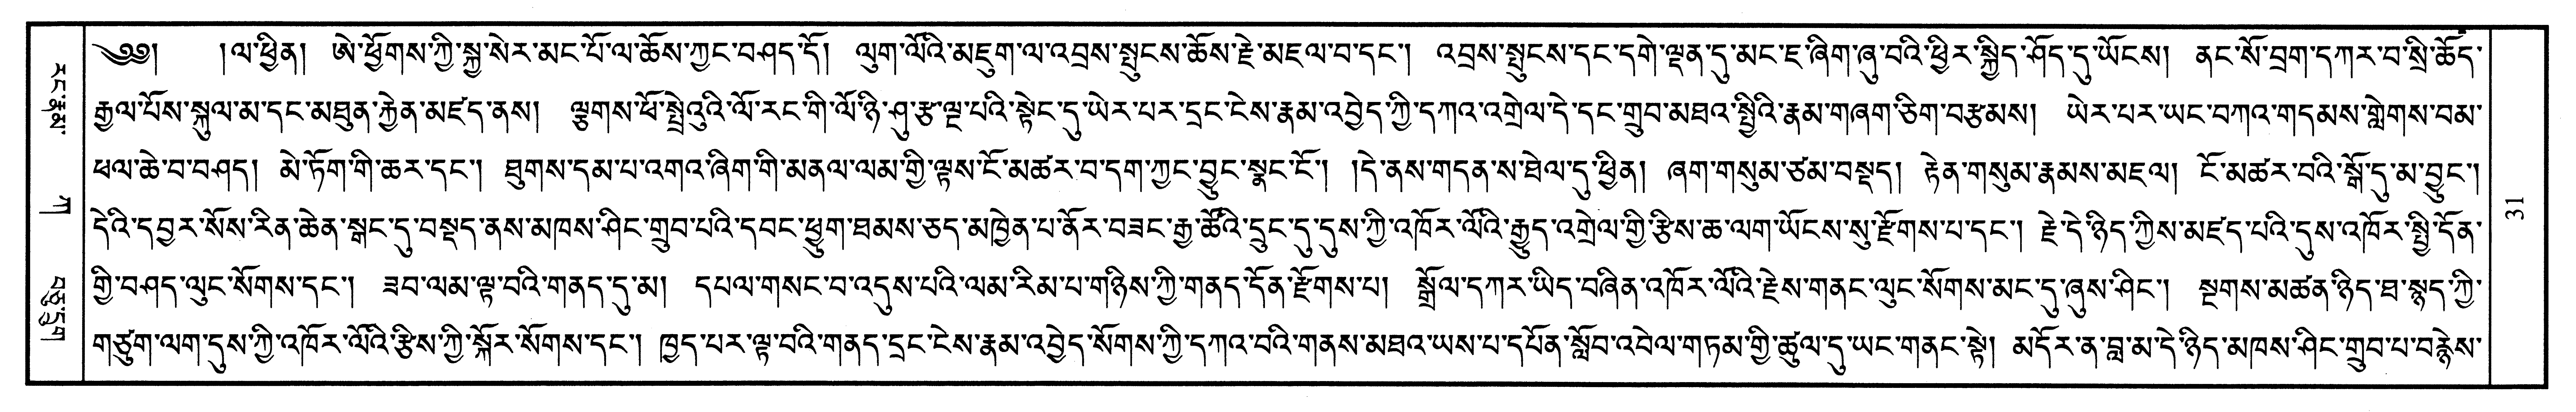༄༅། །ལ་ཕྱིན། ཨེ་ཕྱོགས་ཀྱི་སྐྱ་སེར་མང་པོ་ལ་ཆོས་ཀྱང་བཤད་དོ། ལུག་ལོའི་མཇུག་ལ་འབྲས་སྤུངས་ཆོས་རྗེ་མཇལ་བ་དང་། འབྲས་སྤུངས་དང་དགེ་ལྡན་དུ་མང་ཇ་ཞིག་ཞུ་བའི་ཕྱིར་སྐྱིད་ཤོད་དུ་ཡོངས། ནང་སོ་བྲག་དཀར་བ་སྲི་ཆོད་
རྒྱལ་པོས་སྐུལ་མ་དང་མཐུན་རྐྱེན་མཛད་ནས། ལྕགས་ཕོ་སྤྲེའུའི་ལོ་རང་གི་ལོ་ཉི་ཤུ་རྩ་ལྔ་པའི་སྟེང་དུ་ཡེར་པར་དྲང་ངེས་རྣམ་འབྱེད་ཀྱི་དཀའ་འགྲེལ་དེ་དང་གྲུབ་མཐའ་སྤྱིའི་རྣམ་གཞག་ཅིག་བརྩམས། ཡེར་པར་ཡང་བཀའ་གདམས་གླེགས་བམ་
ཕལ་ཆེ་བ་བཤད། མེ་ཏོག་གི་ཆར་དང་། ཐུགས་དམ་པ་འགའ་ཞིག་གི་མནལ་ལམ་གྱི་ལྟས་ངོ་མཚར་བ་དག་ཀྱང་བྱུང་སྣང་ངོ། །དེ་ནས་གདན་ས་ཐེལ་དུ་ཕྱིན། ཞག་གསུམ་ཙམ་བསྡད། རྟེན་གསུམ་རྣམས་མཇལ། ངོ་མཚར་བའི་སྒོ་དུ་མ་བྱུང་།
དེའི་དབྱར་སོས་རིན་ཆེན་སྒང་དུ་བསྡད་ནས་མཁས་ཤིང་གྲུབ་པའི་དབང་ཕྱུག་ཐམས་ཅད་མཁྱེན་པ་ནོར་བཟང་རྒྱ་མཚོའི་དྲུང་དུ་དུས་ཀྱི་འཁོར་ལོའི་རྒྱུད་འགྲེལ་གྱི་རྩིས་ཆ་ལག་ཡོངས་སུ་རྫོགས་པ་དང་། རྗེ་དེ་ཉིད་ཀྱིས་མཛད་པའི་དུས་འཁོར་སྤྱི་དོན་
གྱི་བཤད་ལུང་སོགས་དང་། ཟབ་ལམ་ལྟ་བའི་གནད་དུ་མ། དཔལ་གསང་བ་འདུས་པའི་ལམ་རིམ་པ་གཉིས་ཀྱི་གནད་དོན་རྫོགས་པ། སྒྲོལ་དཀར་ཡིད་བཞིན་འཁོར་ལོའི་རྗེས་གནང་ལུང་སོགས་མང་དུ་ཞུས་ཤིང་། སྔགས་མཚན་ཉིད་ཐ་སྙད་ཀྱི་
གཙུག་ལག་དུས་ཀྱི་འཁོར་ལོའི་རྩིས་ཀྱི་སྐོར་སོགས་དང་། ཁྱད་པར་ལྟ་བའི་གནད་དྲང་ངེས་རྣམ་འབྱེད་སོགས་ཀྱི་དཀའ་བའི་གནས་མཐའ་ཡས་པ་དཔོན་སློབ་འབེལ་གཏམ་གྱི་ཚུལ་དུ་ཡང་གནང་སྟེ། མདོར་ན་བླ་མ་དེ་ཉིད་མཁས་ཤིང་གྲུབ་པ་བརྙེས་